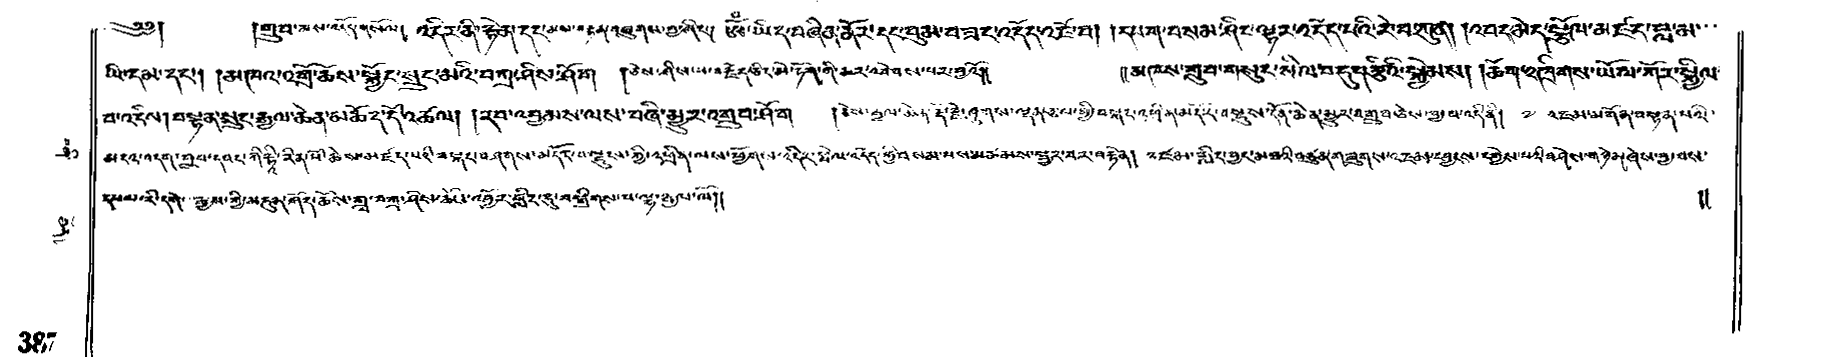༄༅། །གྲུབ་མས་འདོད་གསོལ།  འདིར་ནི་རྟེན་དང་མས་བརྟན་བཞུགས་བྱ་ཞིང་། ཨོཾ་ཡིད་བཞིན་ནོར་དང་བུམ་བཟང་འདོད་འཇོ་བ། །དཔག་བསམ་ཤིང་ལྟར་འདོད་པའི་རེ་བ་ཀུན། །འབད་མེད་སྩོལ་མཛད་བླ་མ་
ཡི་དམ་དང་། །མཁའ་འགྲོ་ཆོས་སྐྱོང་སྲུང་མའི་བཀྲ་ཤིས་ཤོག་།ཅེས་ཤིས་པ་བརྗོད་ཅིང་མེ་ཏོག་གི་ཆར་འབེབས་པར་བྱའོ།།  །།མཁས་གྲུབ་གསུང་སིལ་བདུད་རྩིའི་སྐྱེམས། །ཆོག་འཁྲིགས་ཡོལ་ཀོར་སྐྱིལ་
བ་འདིས། བསྟན་སྲུང་རྒྱལ་ཆེན་མཆོད་དོ་འཚལ། །རབ་འབྱམས་ལས་བཞི་མྱུར་འགྲུབ་ཤོག །ཆོས་རྒྱལ་ཆེན་རྡོ་རྗེ་ཤུགས་ལྡན་རྩལ་གྱི་བསྐང་འཕྲིན་མདོར་བསྡུས་དོན་ཆེན་མྱུར་བ་གྲུབ་ཅེས་བྱ་བ་འདི་ནི། ༈ འཇམ་མགོན་བསྟན་པའི་
མངའ་བདག་གྲུབ་དབང་གི་རྟིའི་རིན་པོ་ཆེས་མཛད་པའི་བསྐང་བཤགས་མདོར་བསྡུས་ཀྱི་འཕྲིན་ལས་ཕྱོགས་འདིར་སྤེལ་འདོད་ཀྱི་བསམ་པས་མཚམས་སྦྱར་བར་བརྟེན། འཛམ་གླིང་བྱང་མཐའི་བརྩུན་གཟུགས་འཇམ་དབྱངས་དགྱེས་པའི་བཤེས་གཉེན་ཞེས་བྱ་བས་
དཔལ་རི་དགེ་རྒྱས་ཀྱི་མདུན་ཤོད་ཆོས་གྲྭ་བཀྲ་ཤིས་ཆེའི་འབྱོར་གླིང་དུ་བསྒྲིགས་པ་ལྷ་རྒྱལ་ལོ།། །།